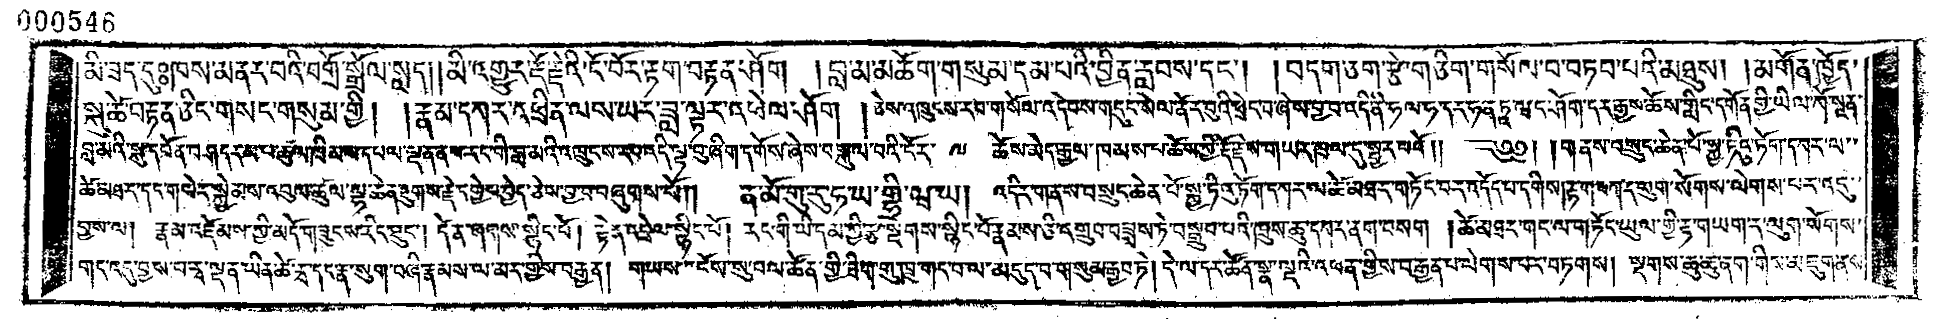མི་ཟད་དུཿ ཁས་མནར་བའི་བགྲོ་སྒྲོལ་སླད། །མི་འགྱུར་རྡོ་རྗེའི་ངོ་བོར་རྟག་བརྟན་ཤོག །བླ་མ་མཆོག་གསུམ་དམ་པའི་བྱིན་རླབས་དང་། །བདག་རྩེ་གཅིག་གསོལ་བ་བཏབ་པའི་མཐུས། །མགོན་ཁྱོད་
སྐུ་ཚེ་བརྟན་ཅིང་གསང་གསུམ་གྱི། །རྣམ་དཀར་འཕྲིན་ལས་ཡར་ཟླ་ལྟར་འཕེལ་ཤོག །ཅེས་འཁྲུངས་རབ་གསོལ་འདེབས་གདུང་སེལ་ནོར་བུའི་ཕྲེང་བ་ཞེས་བྱ་བ་འདི་ནི་ཧལ་ཧ་དར་ཧན་ཏཱ་ཝང་ཤོག་དར་རྒྱས་ཆོས་གླིང་དགོན་གྱི་ལི་ལ་ཀོ་སཱན་?
བླ་མའི་སྐུ་དཔོན་བཤད་རམ་པ་ཚུལ་ཁྲིམས་དཔལ་ལྡན་ནས་རང་གི་བླ་མའི་འཁྲུངས་རབ་འདི་ལྟ་བུ་ཞིག་དགོས་ཞེས་བསྐུལ་བའི་ངོར་༧་ཆོས་མེད་རྒྱལ་ཁམས་པ་ཆོས་ཀྱི་རྡོ་རྗེ་གཡར་ཁྲལ་དུ་སྦྱར་བའོ།། ༄༅། །གནས་བསྲུང་ཆེན་པོ་སྐྱ་ཏིའུ་ཏོག་དཀར་ལ་
ཚེ་མཐར་དང་གསེར་སྐྱེམས་འབུལ་ཚུལ་ལྷ་ཆེན་ཐུགས་རྗེ་དགྱེས་བྱེད་ཅེས་བྱ་བ་བཞུགས་སོ།། ན་མོ་གུ་རུ་ཧ་ཡ་གྷྲི་ཝ་ཡ། འདིར་གནས་བསྲུང་ཆེན་པོ་སྐྱ་ཏིའུ་ཏོག་དཀར་ལ་ཚེ་མཐར་གཏོང་བར་འདོད་པ་དགིས་?། རྟགས་ཀར་ལུག་སོགས་ལེགས་པར་འདུ་
བྱས་ལ། རྣམ་འཇོམས་ཀྱི་མདོ་གཟུངས་རིང་ཐུང་། དོན་ཞགས་སྙིང་པོ། རྟེན་འབྲེལ་སྙིང་པོ། རང་གི་ཡི་དམ་ཀྱི་རྩ་སྔགས་སྙིང་པོ་རྣམས་ཅི་འགྲུབ་བཟླས་ཏེ་བསྒྲུབ་པའི་ཁྲུས་ཆུ་དཀར་ནག་བསག །ཚེ་མཐར་གང་ལ་གཏོང་ཡུལ་གྱི་རྟ་གཡག་ར་ལུག་སོགས་
གང་འདུ་བྱས་བ་རྭ་ལྡན་ཡིན་ཚེ་རྭ་དང་རྣ་སུག་བཞི་རྣམས་ལ་མར་གྱིས་བརྒྱན། གཡས་ངོས་སུ་བལ་ཚོན་གྱི་ཐིག་གུ་ཁྲུ་གང་བ་ལ་མདུད་པ་གསུམ་རྒྱབ་ཏེ། དེ་ལ་དར་ཚོན་སྣ་ལྔའི་འཕན་གྱིས་བརྒྱན་པ་ལེགས་པར་བཏགས། སྔགས་ཆུ་ཆུ་ནག་གི་མཇུག་ནས་